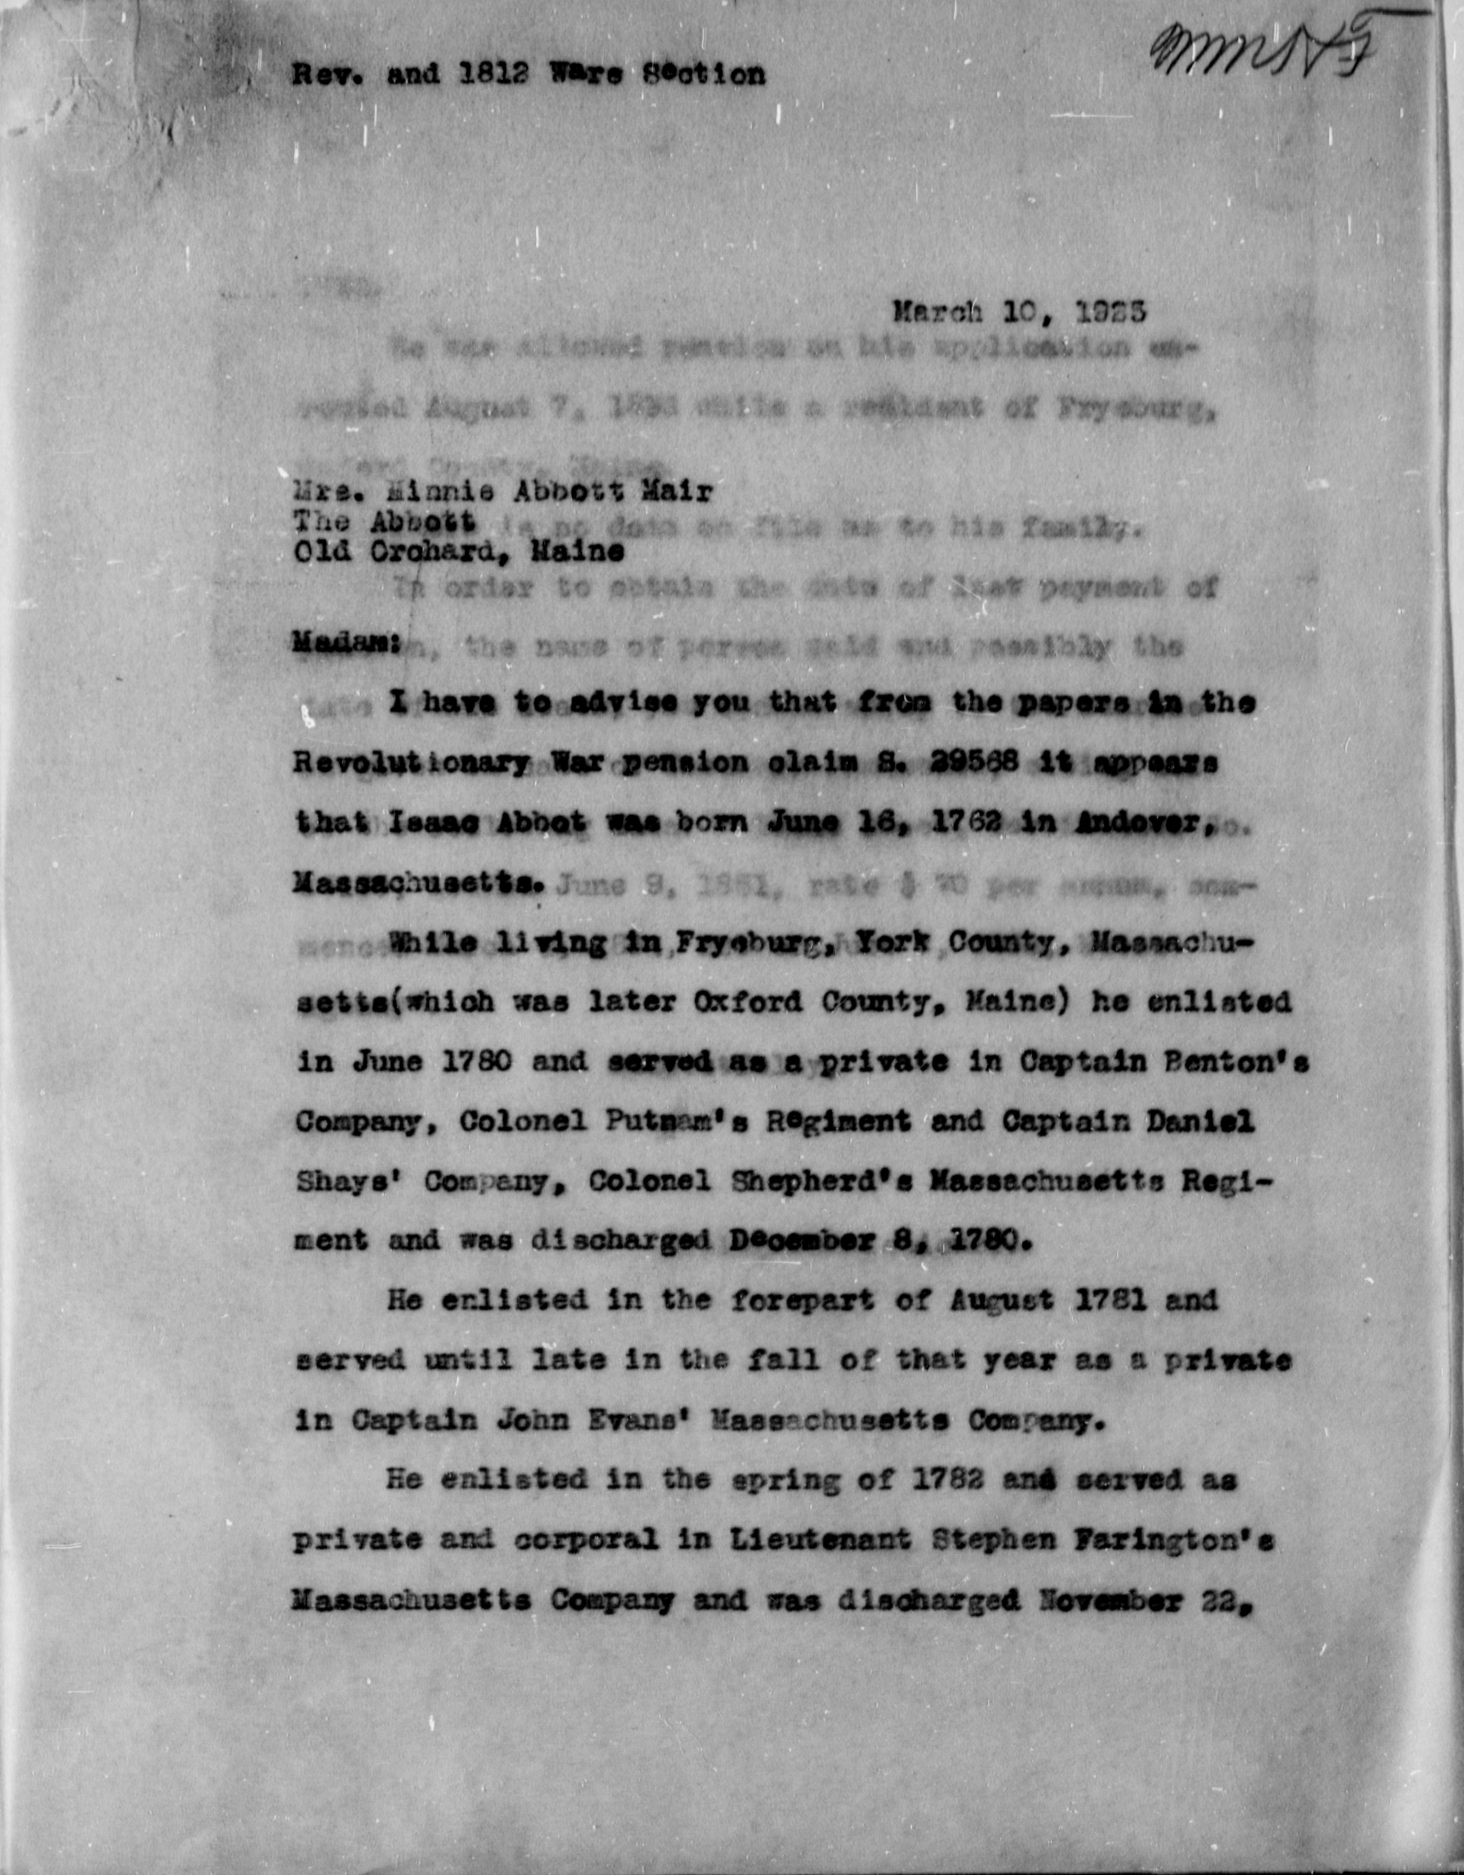Rev. and 1812 Wars Section


March 10, 1923

Mrs. Minnie Abbott Mair
The Abbott
Old Orchard, Maine

Madam:
I have to advise you that from the papers in the Revolutionary War pension claim S. 29568 it appears that Isaac Abbot was born June 16, 1762, in Andover, Massachusetts.
While living in Fryeburg, York County, Massachusetts (which was later Oxford County, Maine) he enlisted in June 1780 and served as a private in Captain Benton's Company, Colonel Putnam's Regiment and Captain Daniel Shays' Company, Colonel Sheperd's Massachusetts Regiment and was discharged December 8, 1780.
He enlisted in the Spring of 1782 and served as private and corporal in Lieutenant Stephen Farington's Massachusetts Company and was discharged November 22,
...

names: Minnie Abbott, Isaac Abbot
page: 19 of 86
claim: survivor's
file: S 29,568, Isaac Abbot, Mass